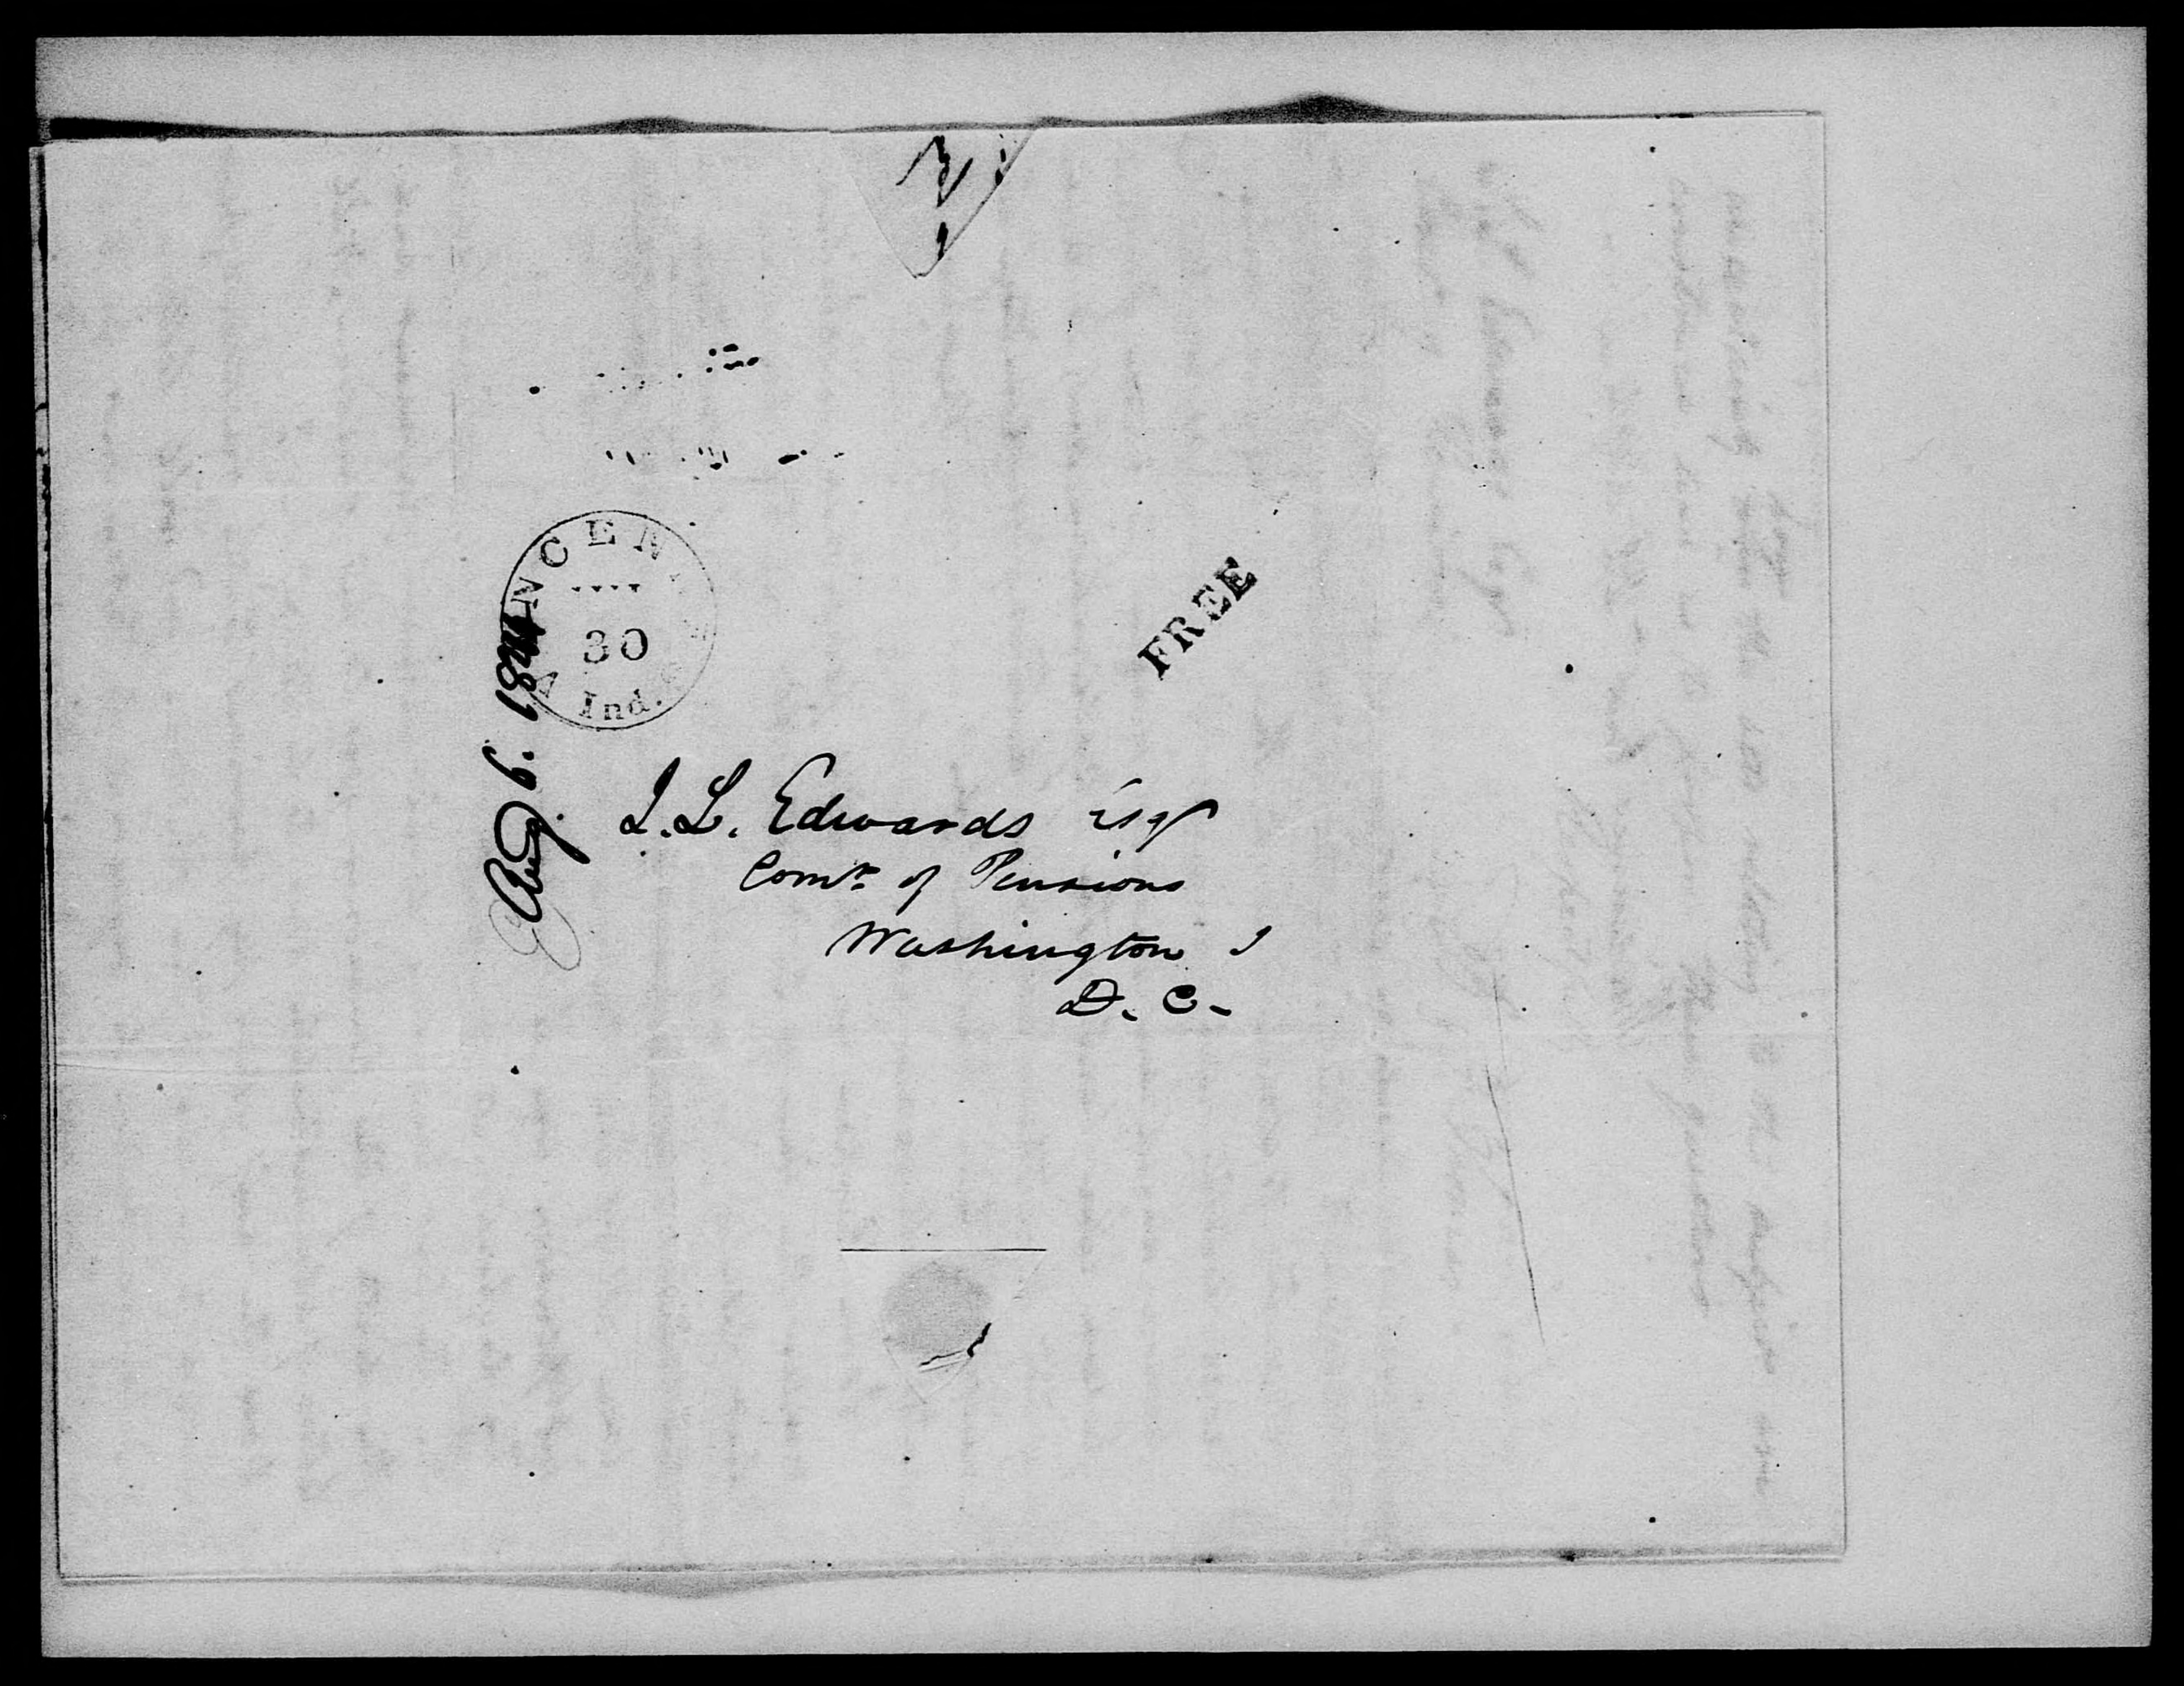Aug. 6, 1844
V I N C E N N E S
30
Ind.

FREE

J.L. Edwards Esq.
Com. of Pensions
Washington D. C.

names: J L Edwards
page: 10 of 21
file: Old War Inv. File 26332, for John Parker, Other